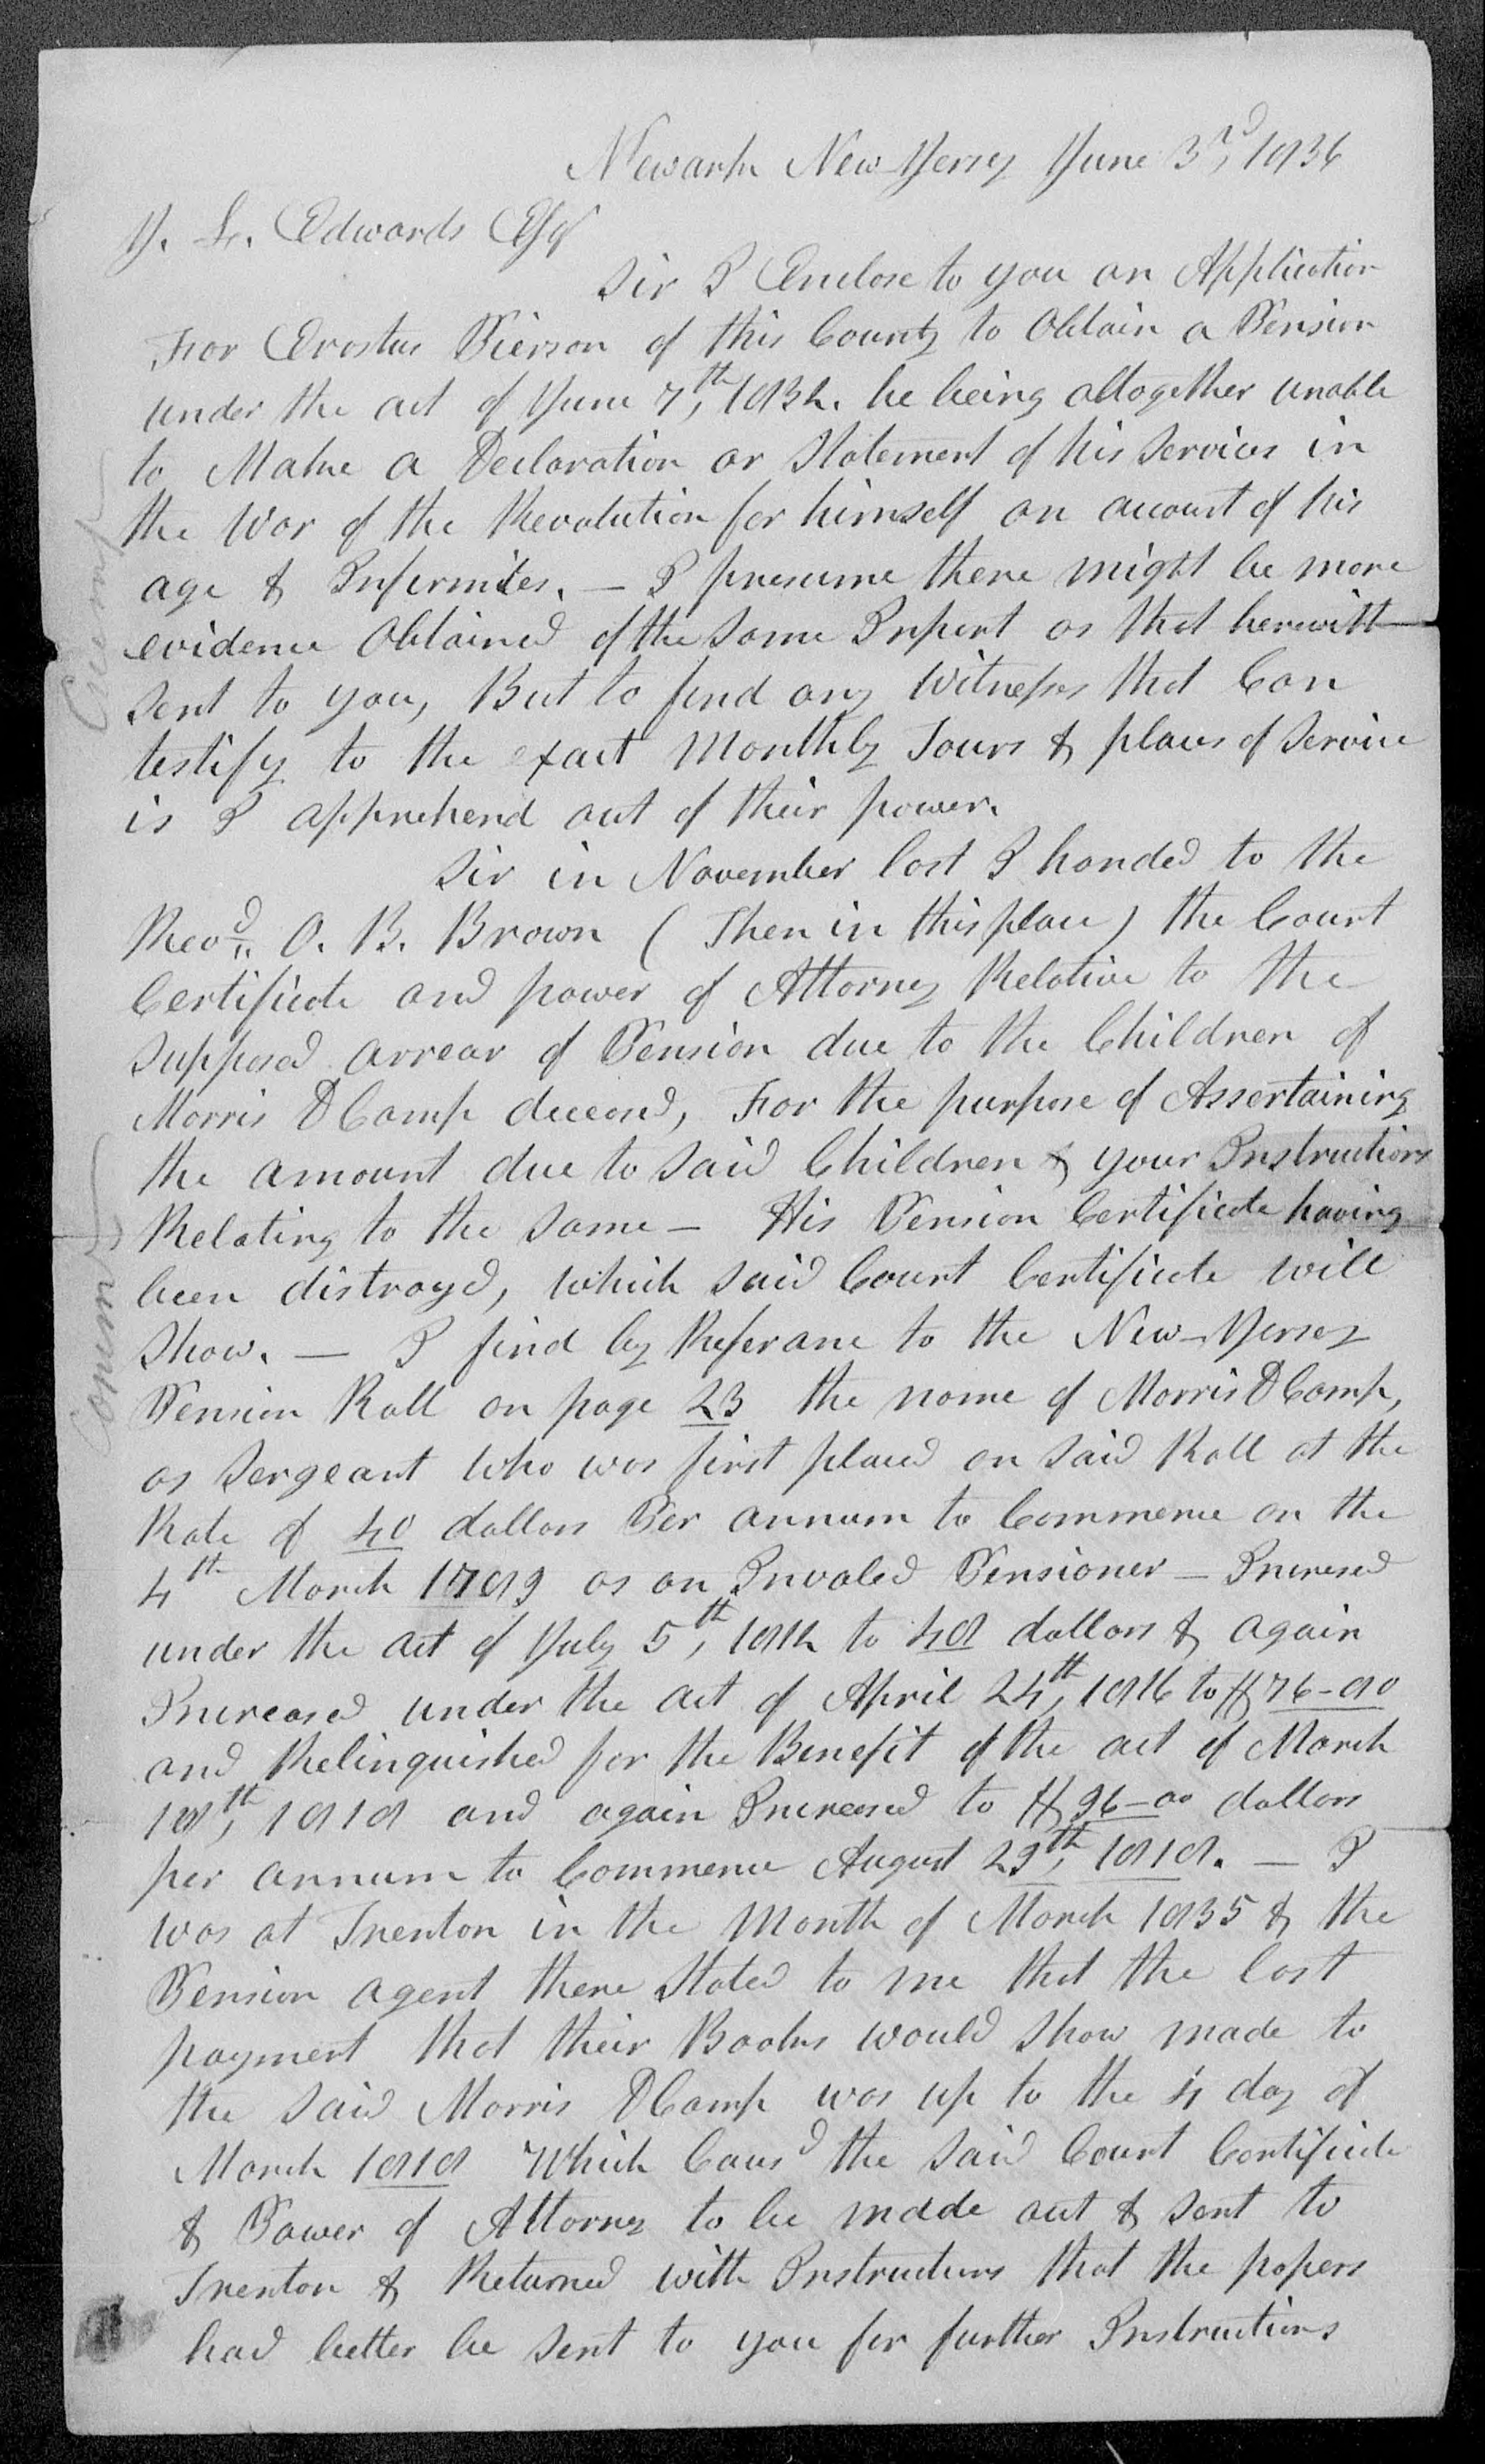Newark New Jersey June 3d 1836

J. L. Edwards Esq

Sir I enclose to you an Application For Erastus Pierson of this County to obtain a pension
under the act of June 7th 1832, he being altogether unable to make a Declaration or statement of his services in the War of the Revolution for himself on account of his age & Infirmities.-- I presume there might be more
evidence obtained of the same [present?] as that herewith sent to you, But to find any Witnesses that can testify to the exact monthly tours & places of Service is I apprehend out of their power.

Sir in November last I handed to the Revd O. B. Brown (then in this place) the Court Certificate and power of Attorney Relative to the supposed arrear of Pension due to the children of Morris D Camp deceased, for the purpose of ascertaining the amount due to said Children & your instructions Relating to the same. His pension Certificate having been distroyed [destroyed], which said Court certificate will
show. - I find by reference to the New Jersey
Pension Roll on page 23 the name of Morris D Camp, as Sergeant who was first placed on said roll at the Rate of 40 dollars per annum to commence on the the 4th March 1789 as an Invalid Pensioner- increased under the act of July 5th 1812 to 40 dollars & again increased under the act of April 24th 1816 to $76.00
and relinquished for the Benefit of the act of March 18th 1818 and again increased to $96-00  dollars per annum to commence August 29th 1818.-  I was at Trenton in the month of March 1835 & the Pension Agent there stated to me that the last payment that their Books would show made to the said Morris D Camp was up to the 4 day of March 1818 which caused the said Court certificate & Power of Attorney to be made out & sent to Trenton & Returned with instructions that the papers had better be sent to you for further instructions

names: J L Edwards, Morris D Camp, Morris D Camp, Morris D Camp, O B Brown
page: 23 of 52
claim: survivor's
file: S. 34172, Morris D Camp, Continental (New Jersey)